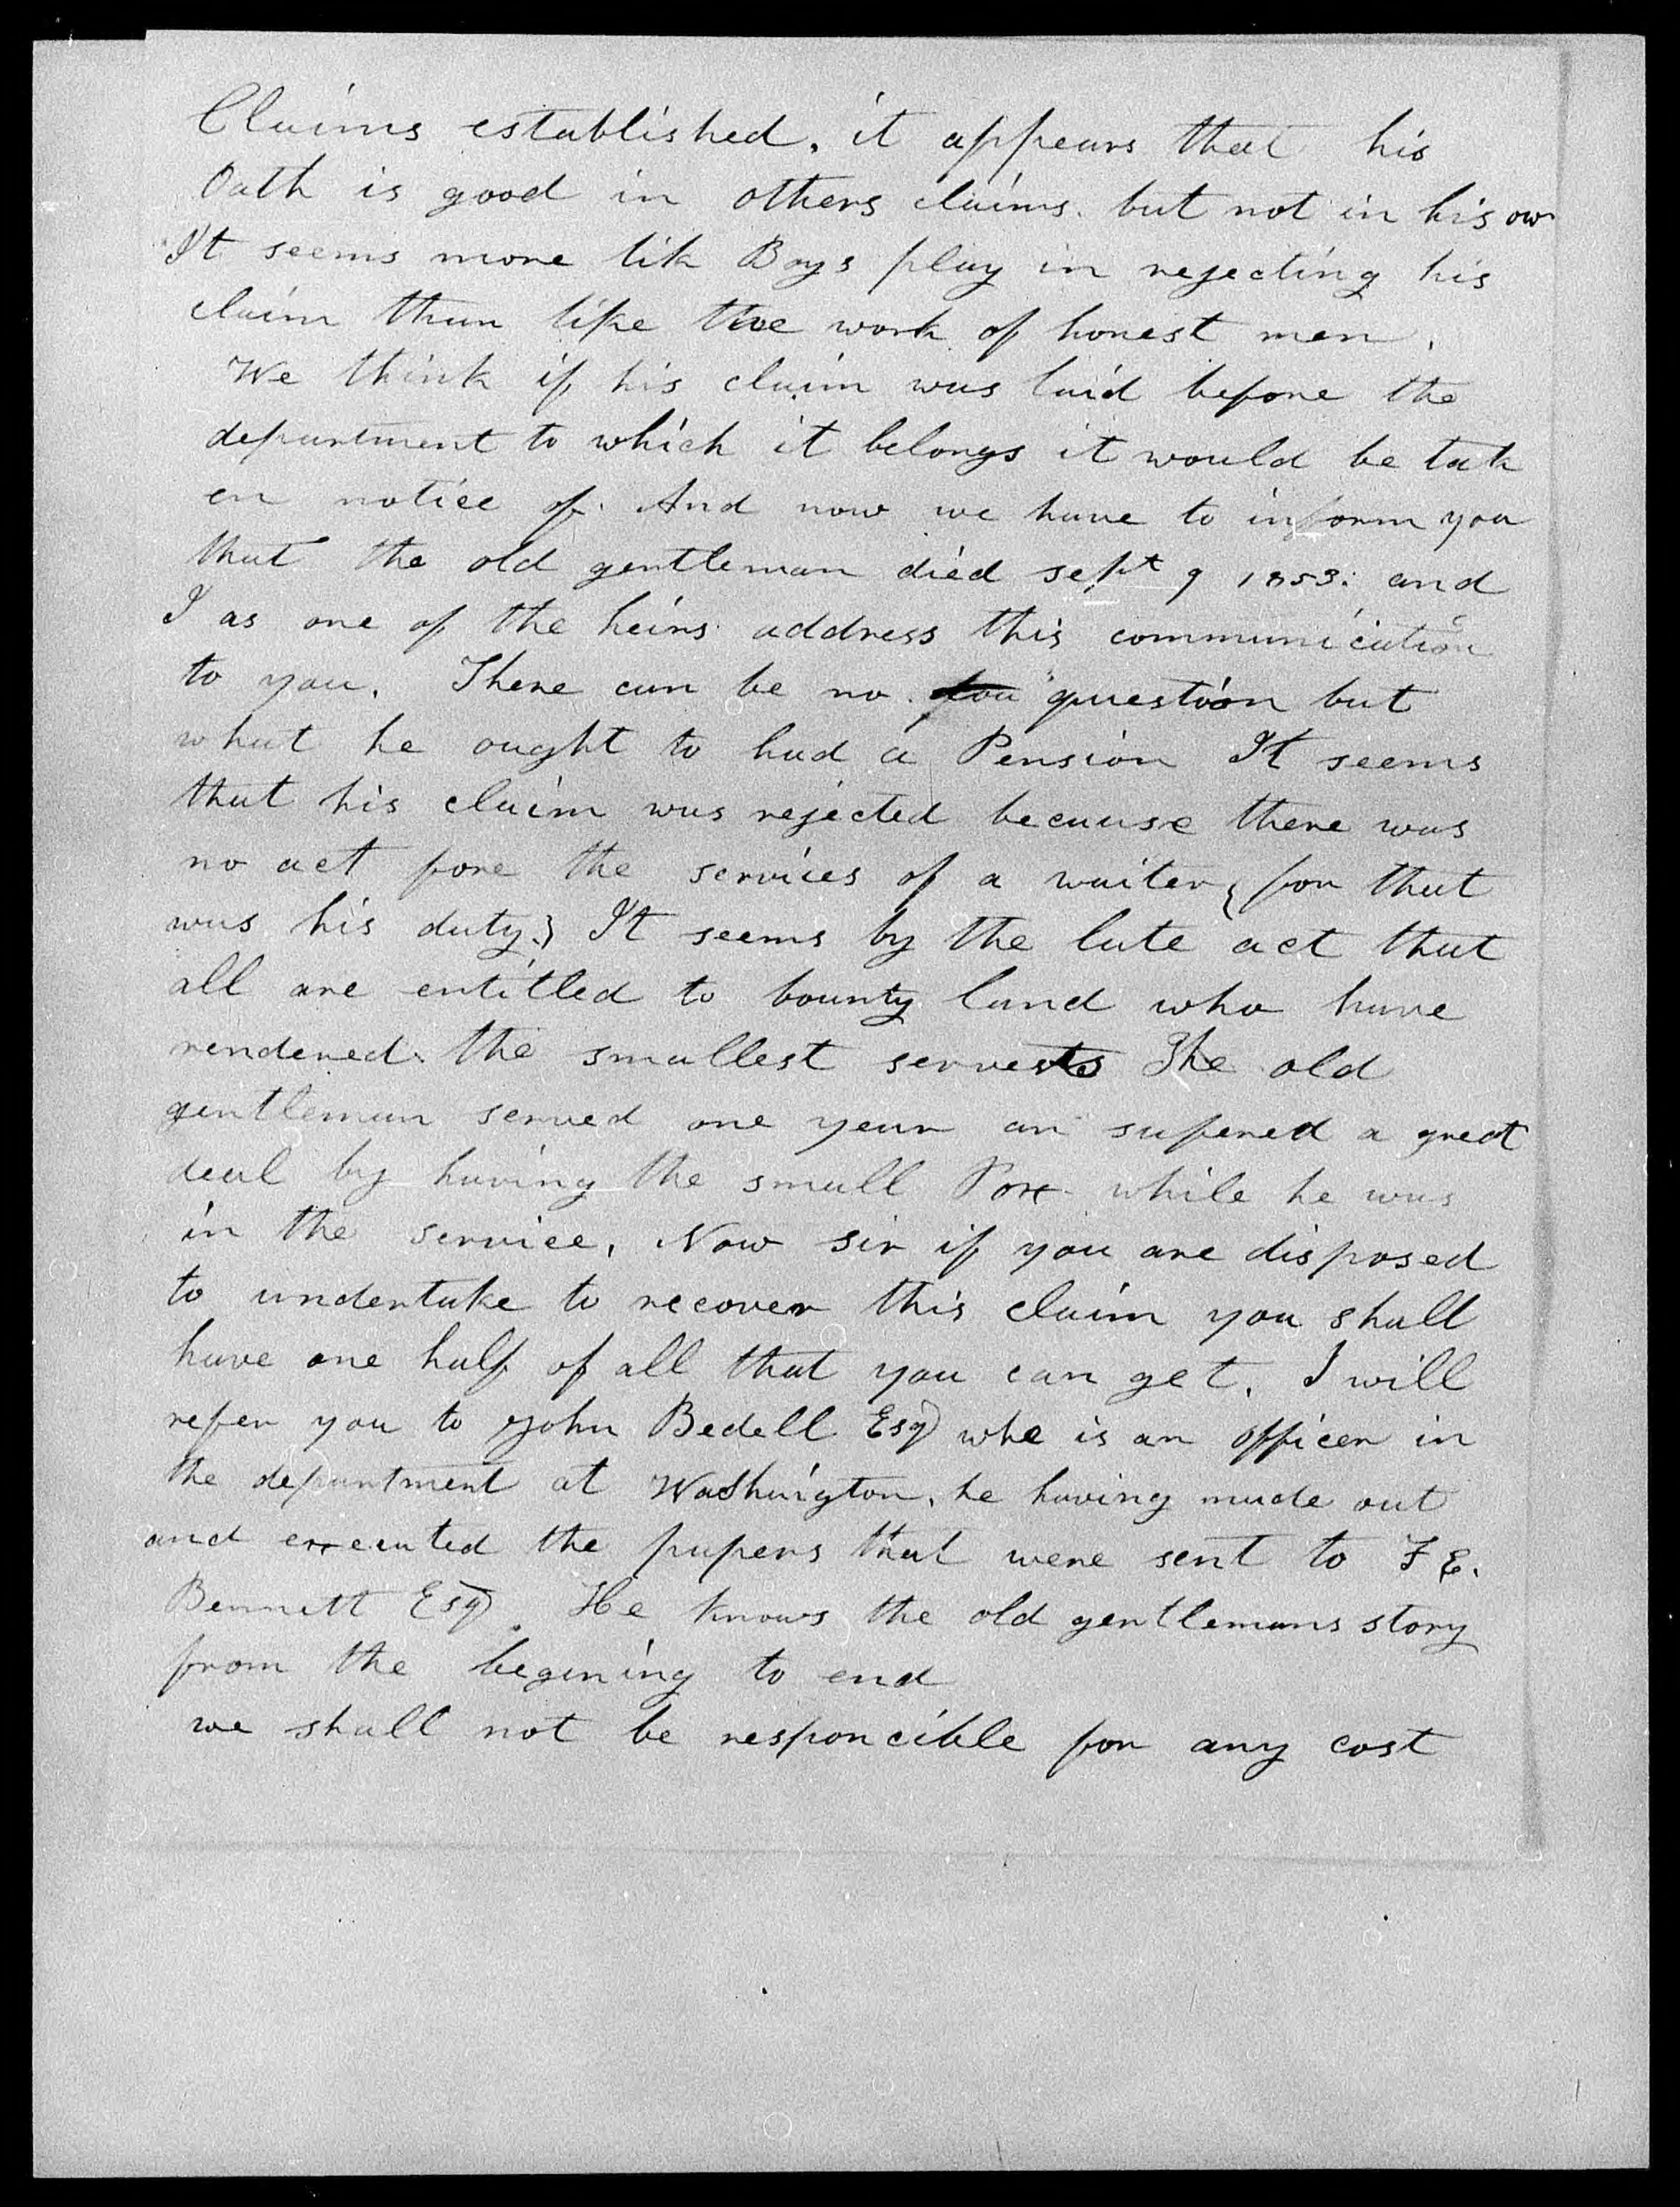Claims established, it appears that his Oath is good in others claims, but not in his own.
It seems more like Boys play in rejecting his
claim than like the work of honest men,
We think if his claim was laid before the
department to which it belongs it would be taken notice of And now we have to inform you that the old gentleman died Sept 9 1853 and I as one of the heirs address this communication to you. There can be no question but what he ought to had a pension
It seems that his claim was rejected because
there was no act for the services of a waiter ( for that was his duty.) It seems by the late act that all are entitled to bounty land who have
rendered the smallest services. The old
gentlemen served one year and suffered a great deal by having the small pox while he was in the service, Now sir if you are disposed
to undertake to recover this claim you shall
have one half of all that you can get. I will
refer you to John Bedell Esq. who is an officer in the department at Washington, he having made out and executed the papers that were sent to F.E. Bennett Esq.

He knows the old gentleman's story
from the beginning to end. we shall not be responsible for any cost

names: John Bedell; F E Bennett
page: 7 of 14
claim: rejected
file: R 5922, for Jonathan Kimball, New Hampshire